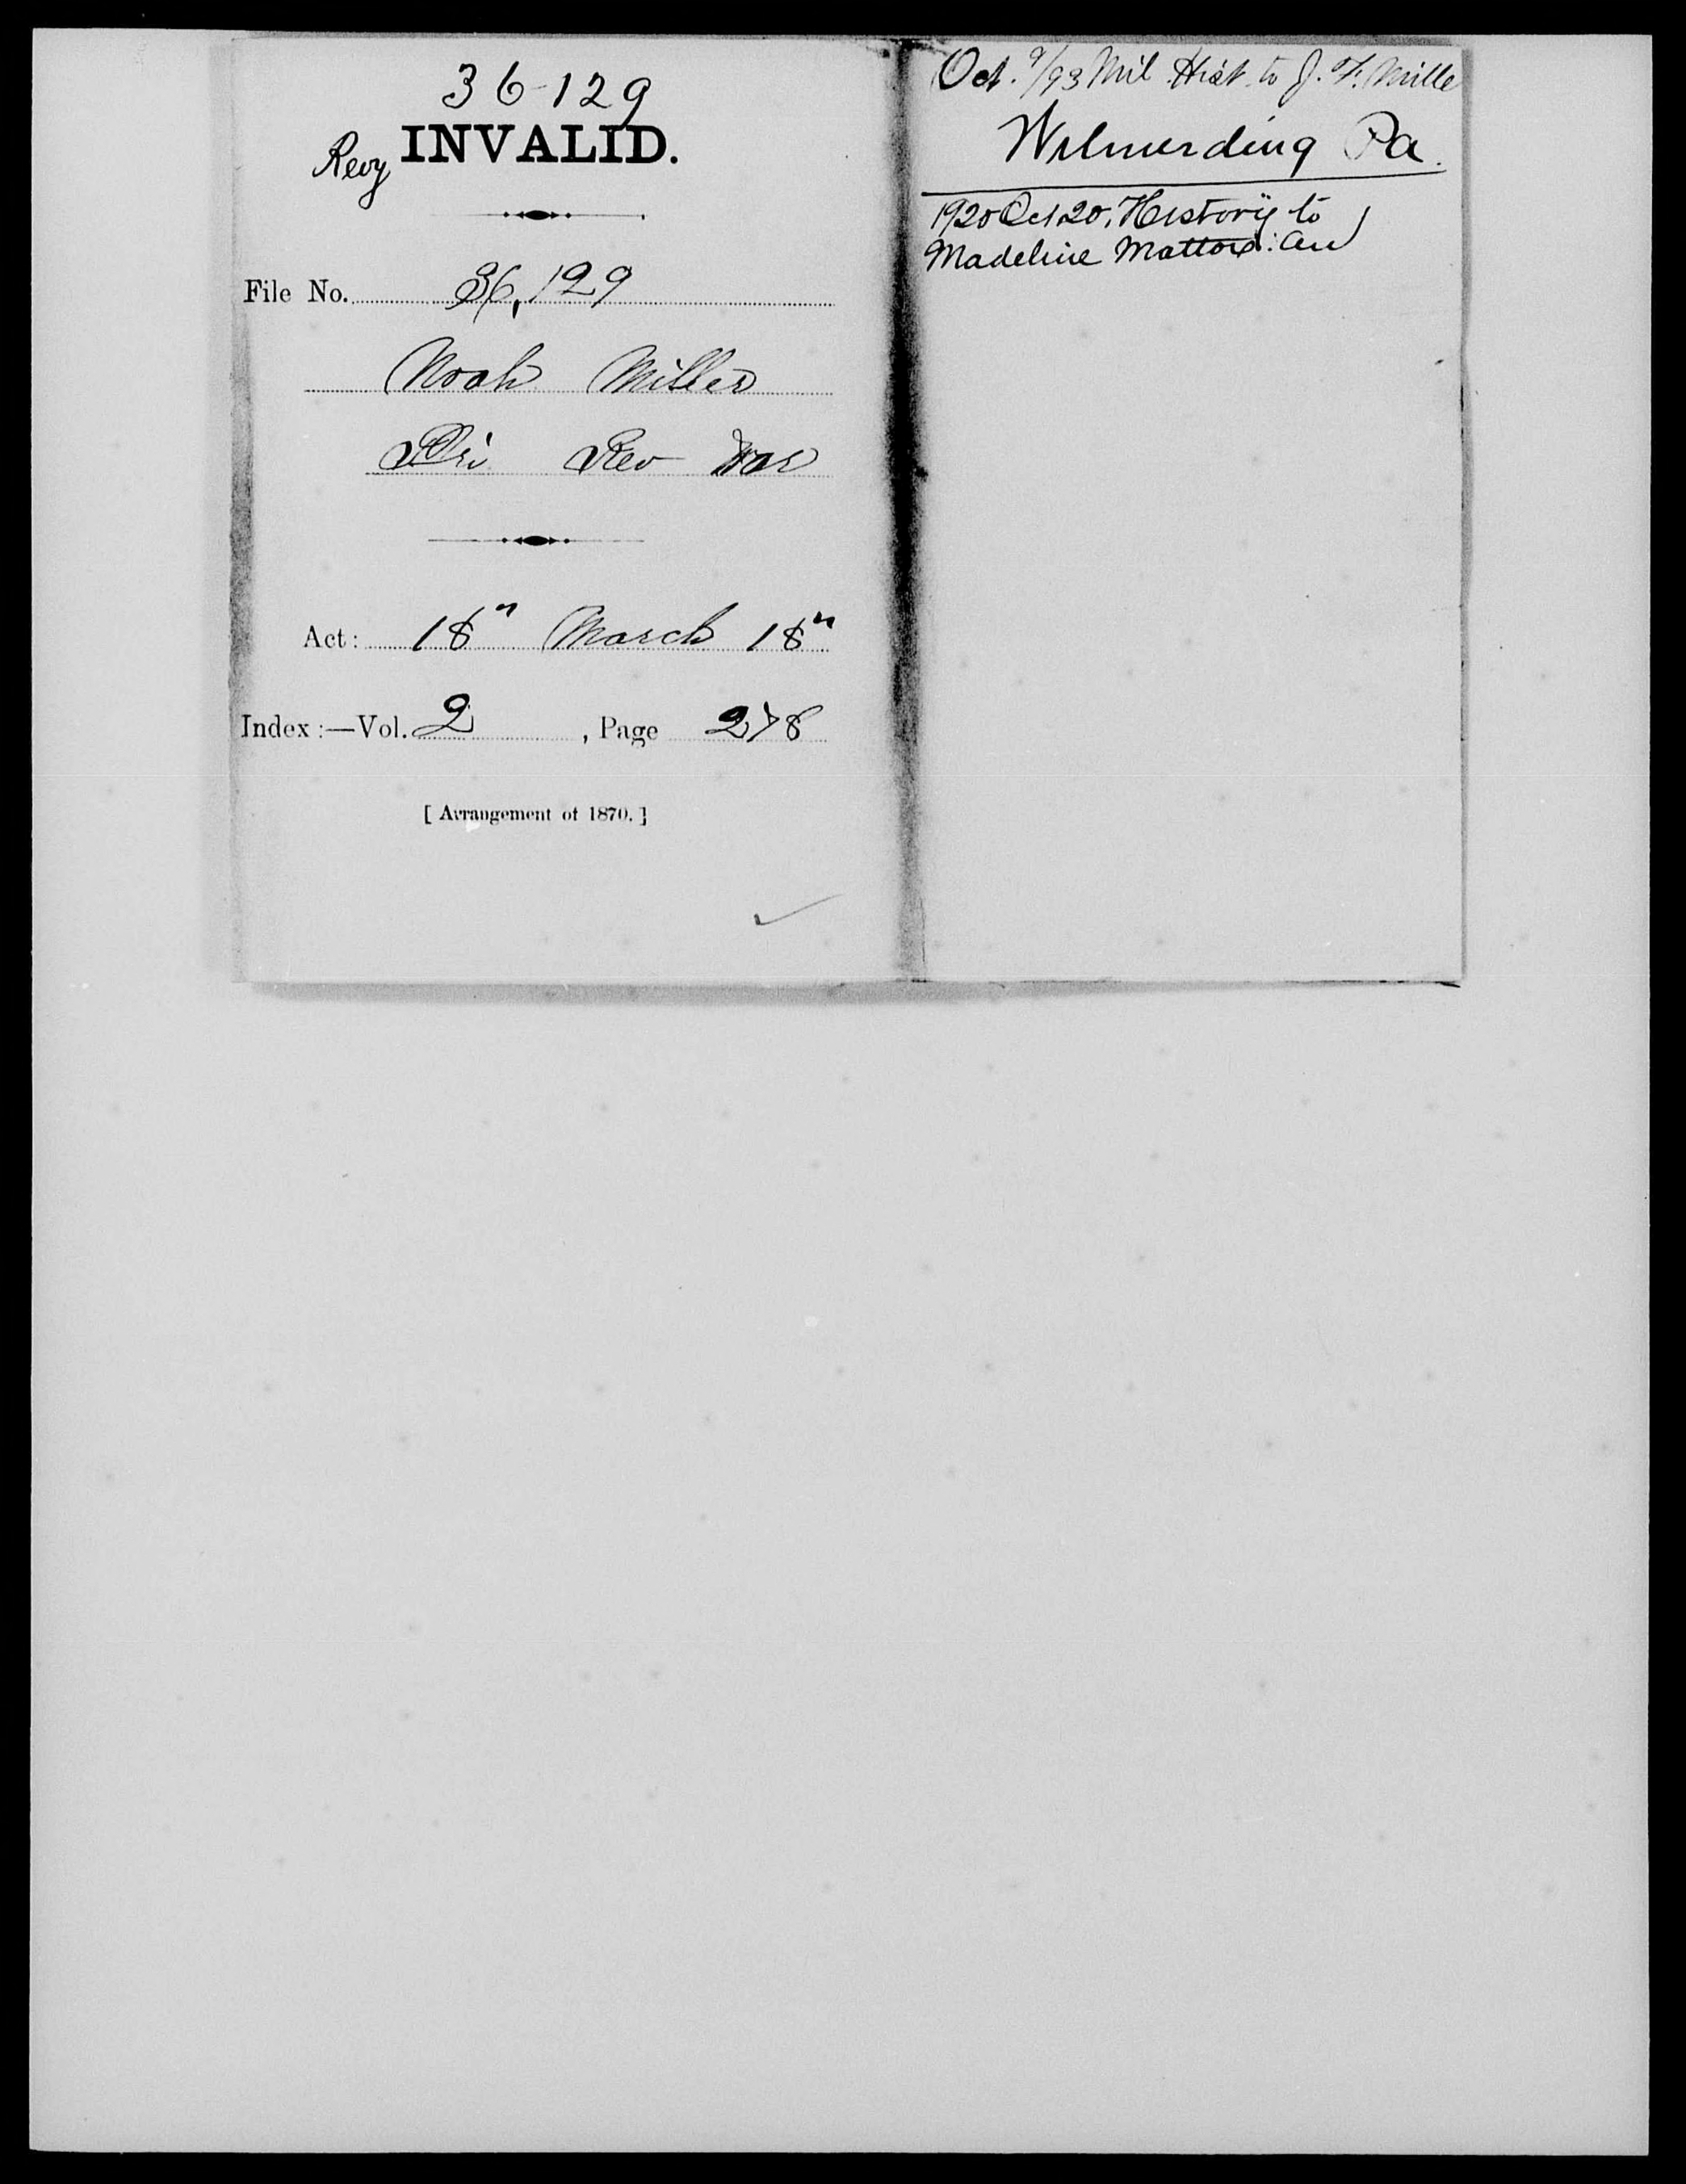36-129
Revy
INVALID

File No.  26,129
Noah Miller
Pri Rev War

Act:  18th March 18
Index: - Vol. 2, Page 278
[arrangement of 1870]
Oct. 9/93 Mil Hist to J.G. Miller
Wilmerding PA
1920 Oct. 20, History to Madeline Mattox AW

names: Noah Miller; J F Miller; Madeline Mattox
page: 13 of 20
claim: survivor's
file: S. 36129, for Noah Miller, New Jersey